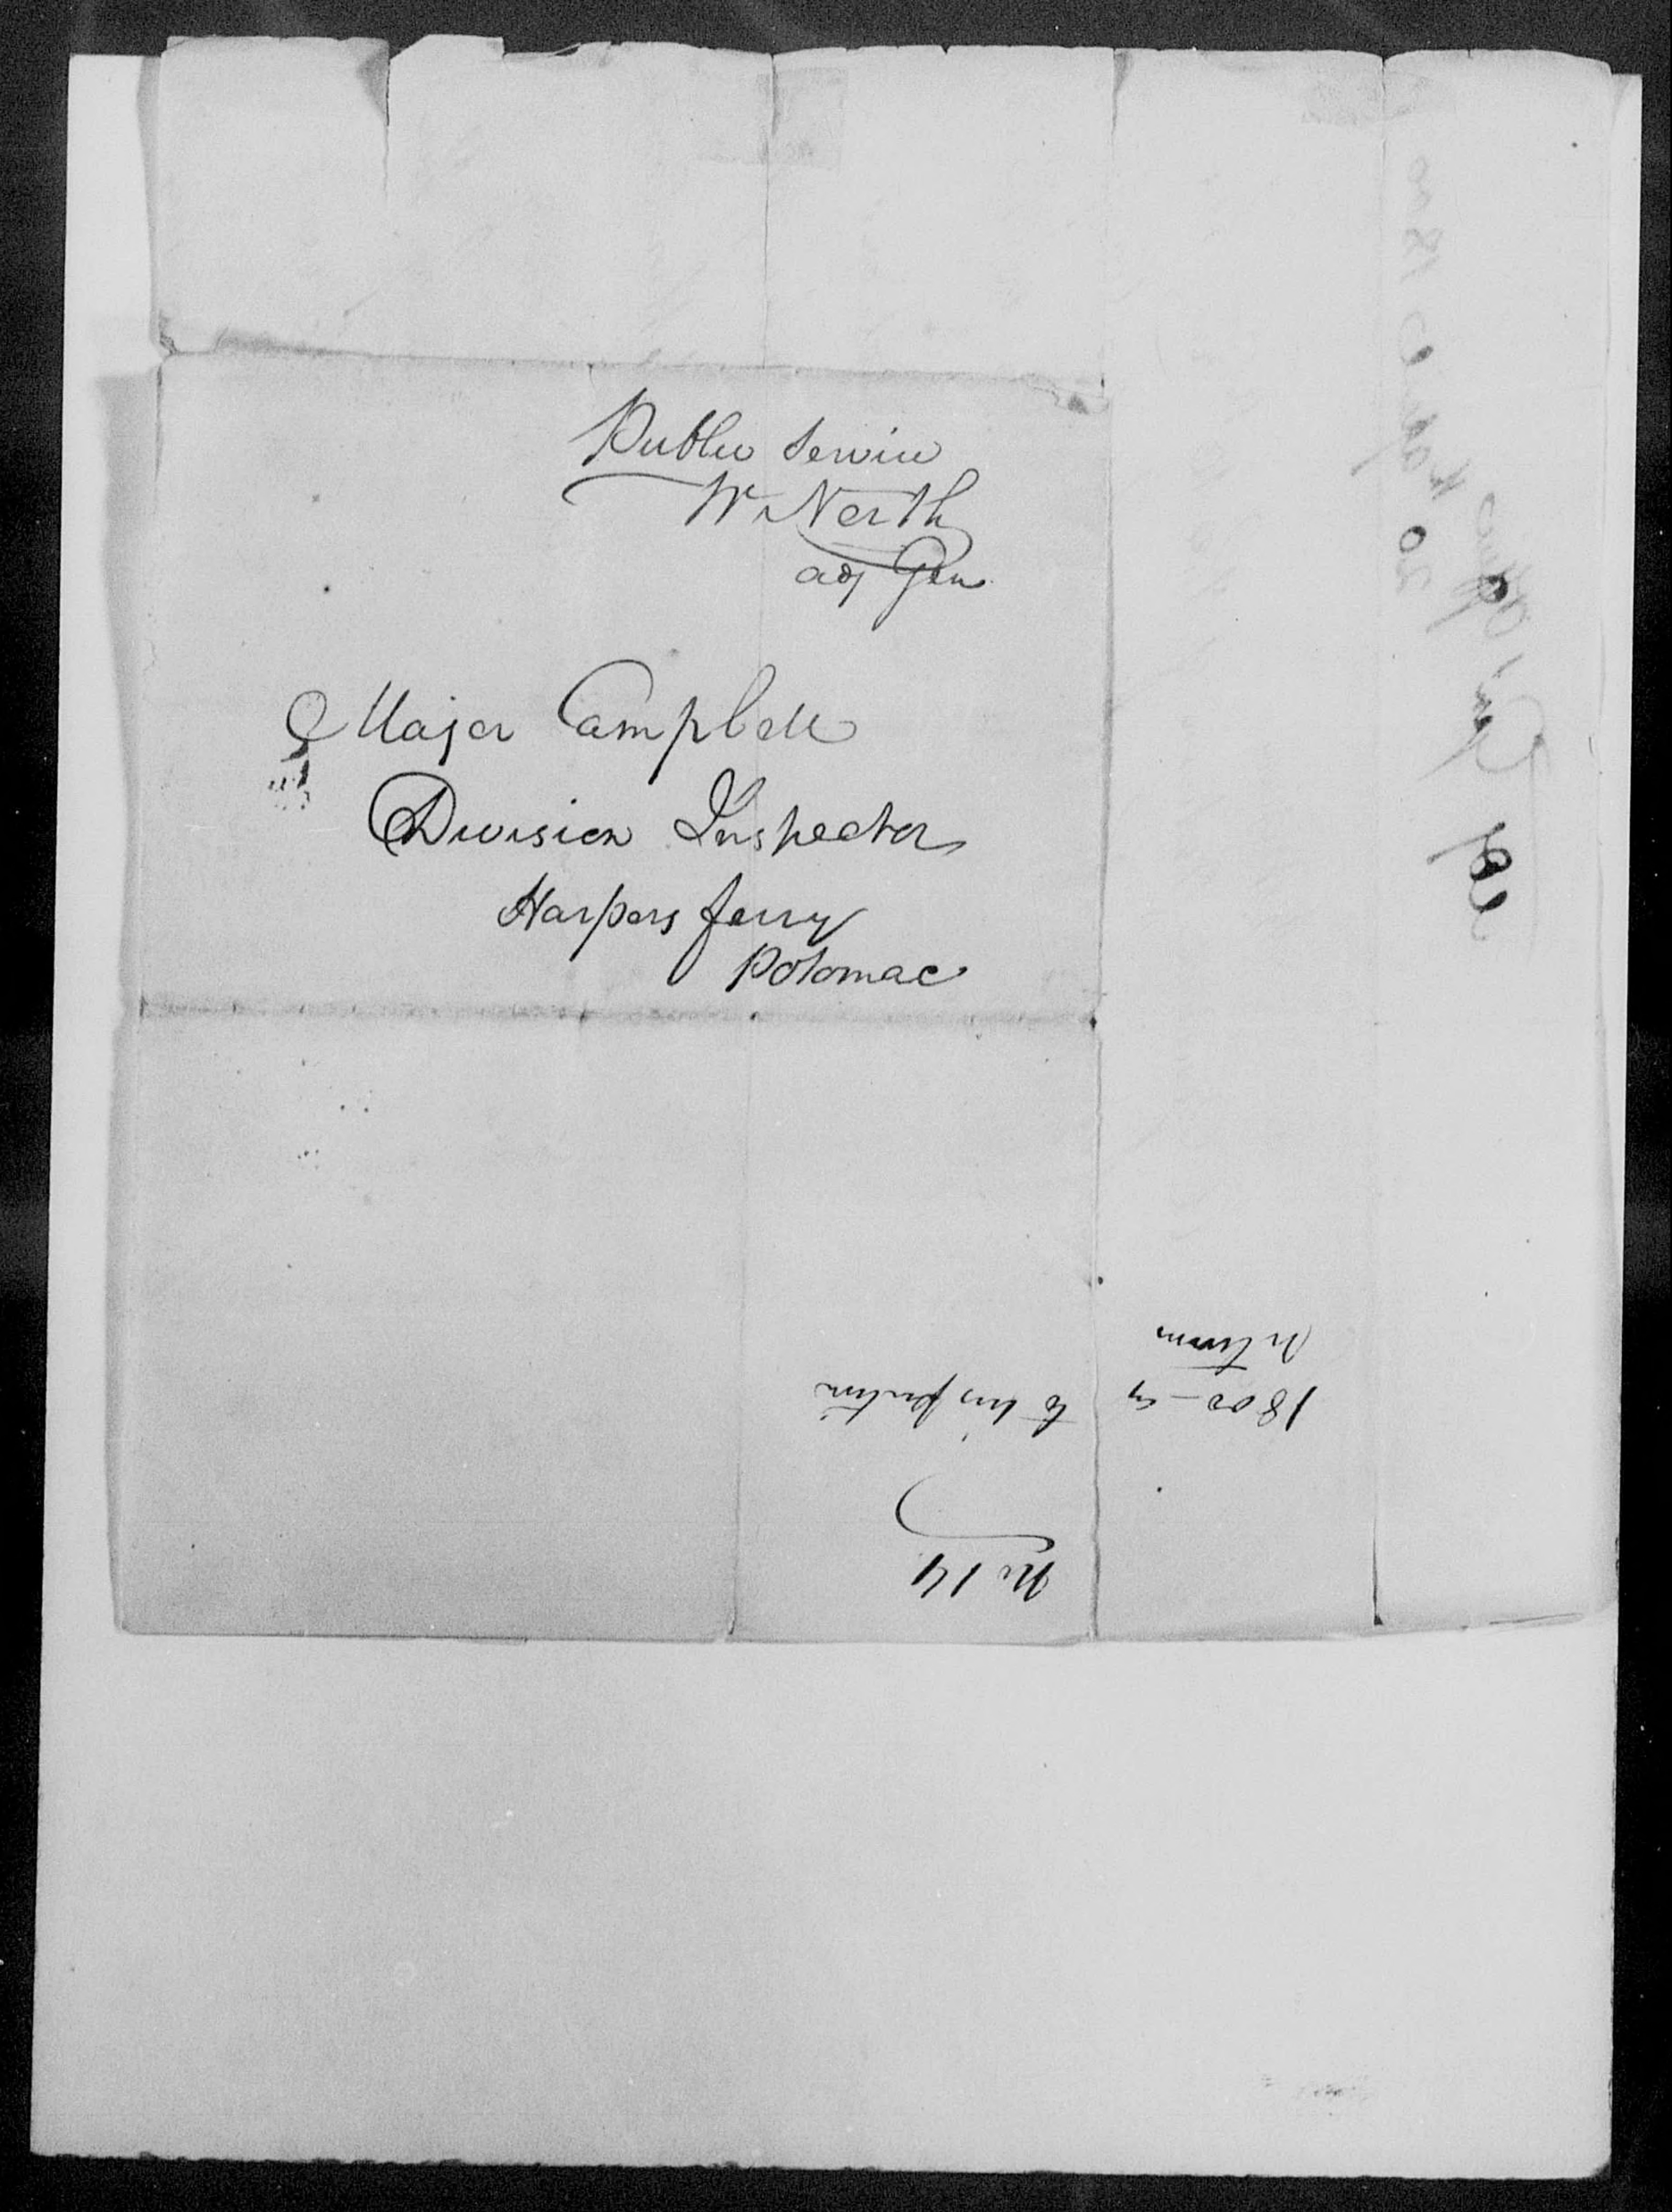[an addressed letter]

Public Service 
W North
adj Gen

Major Campbell
Division Inspector
Harpers Ferry
Potomac


[writing at bottom of page is upside down, as follows]

No 14 
1800 -- by return 
to his position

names: Campbell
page: 70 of 267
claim: widow's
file: W. 4,149, William Campbell, Va.